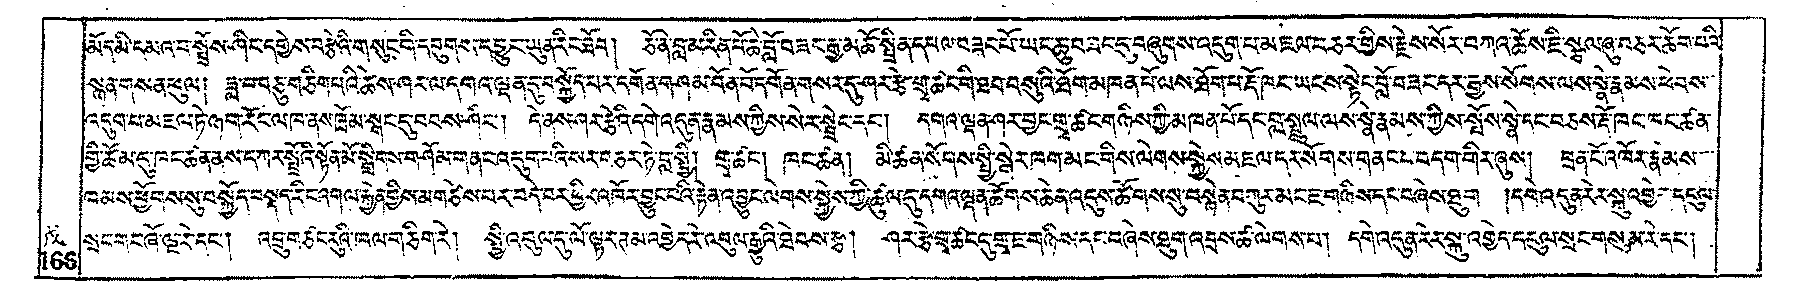མོད་མི་དམའ་བ་སྤྲོས་ཤིང་དགྱེས་བརྩེའི་གསུང་གི་དབུགས་དབྱུང་ཡུན་རིང་ཐོབ། ཅོ་ནེ་བླ་མ་རིན་པོ་ཆེ་བློ་བཟང་རྒྱ་མཚོ་སྤྲིན་དཔལ་བཟང་པོ་ཡང་ཆུ་བཟང་དུ་བཞུགས་འདུག་པ་མཇལ་བཅར་གྱིས་རྗེས་སོར་བཀའ་ཆོས་ཇི་སྩལ་ཞུ་བཅར་ཆོག་པའི་
སྙན་གསན་ཕུལ། ཟླ་བ་བཅུ་གཅིག་པའི་ཚེས་ཤར་ལ་དགའ་ལྡན་དུ་བསྐྱོད་པར་དགོན་གཤམ་བོན་པོ་དགོན་གསར་དུ་ཤར་རྩེ་གྲྭ་ཚང་གི་ཐབ་བསུའི་ཐོག་མཁན་པོ་ལས་ཐོག་པ་རྡོ་ཁང་ཡངས་སྟེང་བློ་བཟང་དར་རྒྱས་སོགས་ལས་སྣེ་རྣམས་ཕེབས་
འདུག་པ་མཇལ་ཏེ་ཉག་རོང་ལ་ཁ་ནས་ཁྲོམ་སྒང་དུ་བབས་ཤིང་། དེ་ནས་ཤར་རྩེའི་དགེ་འདུན་རྣམས་ཀྱིས་སེར་སྦྲེང་དང་། དགའ་ལྡན་ཤར་བྱང་གྲྭ་ཚང་གཉིས་ཀྱི་མཁན་པོ་དང་བླ་སྤྲུལ་ལས་སྣེ་རྣམས་ཀྱིས་སྤོས་སྣེ་དང་བཅས་རྡོ་ཁང་ཁང་ཚན་
གྱི་ཚོམ་དུ་ཁང་ཚན་ནས་དཀར་སྤྲོའི་སྟོན་མོ་སྒྲིགས་གཤོམ་གནང་འདུག་པའི་སར་བཅར་ཏེ་བླ་སྤྱི། གྲྭ་ཚང་། ཁང་ཚན། མི་ཚན་སོགས་སྤྱི་སྒེར་ཁག་མང་གིས་ལེགས་སྐྱེས་མཇལ་དར་སོགས་གནང་བ་བདག་གིར་ཞུས། ཕྲན་ངོ་འཁོར་རྣམས་
ཁམས་ཕྱོགས་སུ་བསྐྱོད་བསྡད་རིང་འགལ་རྐྱེན་གྱིས་མ་གཙེས་པར་བདེ་བར་ཕྱིར་འཁོར་བྱུང་བའི་རྟེན་འབྱུང་ལེགས་སྐྱེས་ཀྱི་ཚུལ་དུ་དགའ་ལྡན་ཚོགས་ཆེན་འདུས་ཚོགས་སུ་བསྙེན་བཀུར་མང་ཇ་གཉིས་དང་བཞེས་ཐུག །དགེ་འདུན་རེར་སྐུ་འགྱེད་དངུལ་
སྲང་གང་ཞོ་ལྔ་རེ་དང་། འབྲུ་གཙང་རུའི་ཁལ་གཅིག་རེ། སྤྱི་འབུལ་དུ་ལོ་ལྟར་ཊམ་འགྱེད་རེ་འབུལ་རྒྱུའི་ཐེབས་རྩ། ཤར་རྩེ་གྲྭ་ཚང་དུ་གྲྭ་ཇ་གཉིས་དང་བཞེས་ཐུག་འབྲས་ཚ་ལེགས་པ། དགེ་འདུན་རེར་སྐུ་འགྱེད་དངུལ་སྲང་གསུམ་རེ་དང་།